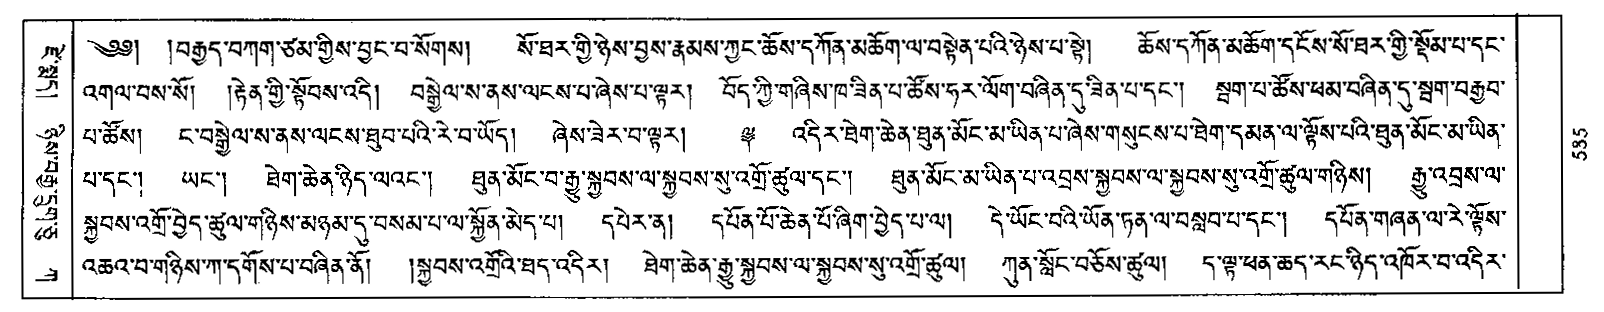༄༅། །བརྒྱད་བཀག་ཙམ་གྱིས་བྱང་བ་སོགས། སོ་ཐར་གྱི་ཉེས་བྱས་རྣམས་ཀྱང་ཆོས་དཀོན་མཆོག་ལ་བསྟེན་པའི་ཉེས་པ་སྟེ། ཆོས་དཀོན་མཆོག་དངོས་སོ་ཐར་གྱི་སྡོམ་པ་དང་
འགལ་བས་སོ། །རྟེན་གྱི་སྟོབས་འདི། བསྒྱེལ་ས་ནས་ལངས་པ་ཞེས་པ་ལྟར། བོད་ཀྱི་གཞིས་ཁ་ཟིན་པ་ཚོས་ཧར་ལོག་བཞིན་དུ་ཟིན་པ་དང་། སྦག་པ་ཚོས་ཕམ་བཞིན་དུ་སྦག་བརྒྱབ་
པ་ཚོས། ང་བསྒྱེལ་ས་ནས་ལངས་ཐུབ་པའི་རེ་བ་ཡོད། ཞེས་ཟེར་བ་ལྟར། ༈ འདིར་ཐེག་ཆེན་ཐུན་མོང་མ་ཡིན་པ་ཞེས་གསུངས་པ་ཐེག་དམན་ལ་ལྟོས་པའི་ཐུན་མོང་མ་ཡིན་
པ་དང་། ཡང་། ཐེག་ཆེན་ཉིད་ལའང་། ཐུན་མོང་བ་རྒྱུ་སྐྱབས་ལ་སྐྱབས་སུ་འགྲོ་ཚུལ་དང་། ཐུན་མོང་མ་ཡིན་པ་འབྲས་སྐྱབས་ལ་སྐྱབས་སུ་འགྲོ་ཚུལ་གཉིས། རྒྱུ་འབྲས་ལ་
སྐྱབས་འགྲོ་བྱེད་ཚུལ་གཉིས་མཉམ་དུ་བསམ་པ་ལ་སྐྱོན་མེད་པ། དཔེར་ན། དཔོན་པོ་ཆེན་པོ་ཞིག་བྱེད་པ་ལ། དེ་ཡོང་བའི་ཡོན་ཏན་ལ་བསླབ་པ་དང་། དཔོན་གཞན་ལ་རེ་ལྟོས་
འཆའ་བ་གཉིས་ཀ་དགོས་པ་བཞིན་ནོ། །སྐྱབས་འགྲོའི་ཐད་འདིར། ཐེག་ཆེན་རྒྱུ་སྐྱབས་ལ་སྐྱབས་སུ་འགྲོ་ཚུལ། ཀུན་སློང་བཅོས་ཚུལ། ད་ལྟ་ཕན་ཆད་རང་ཉིད་འཁོར་བ་འདིར་